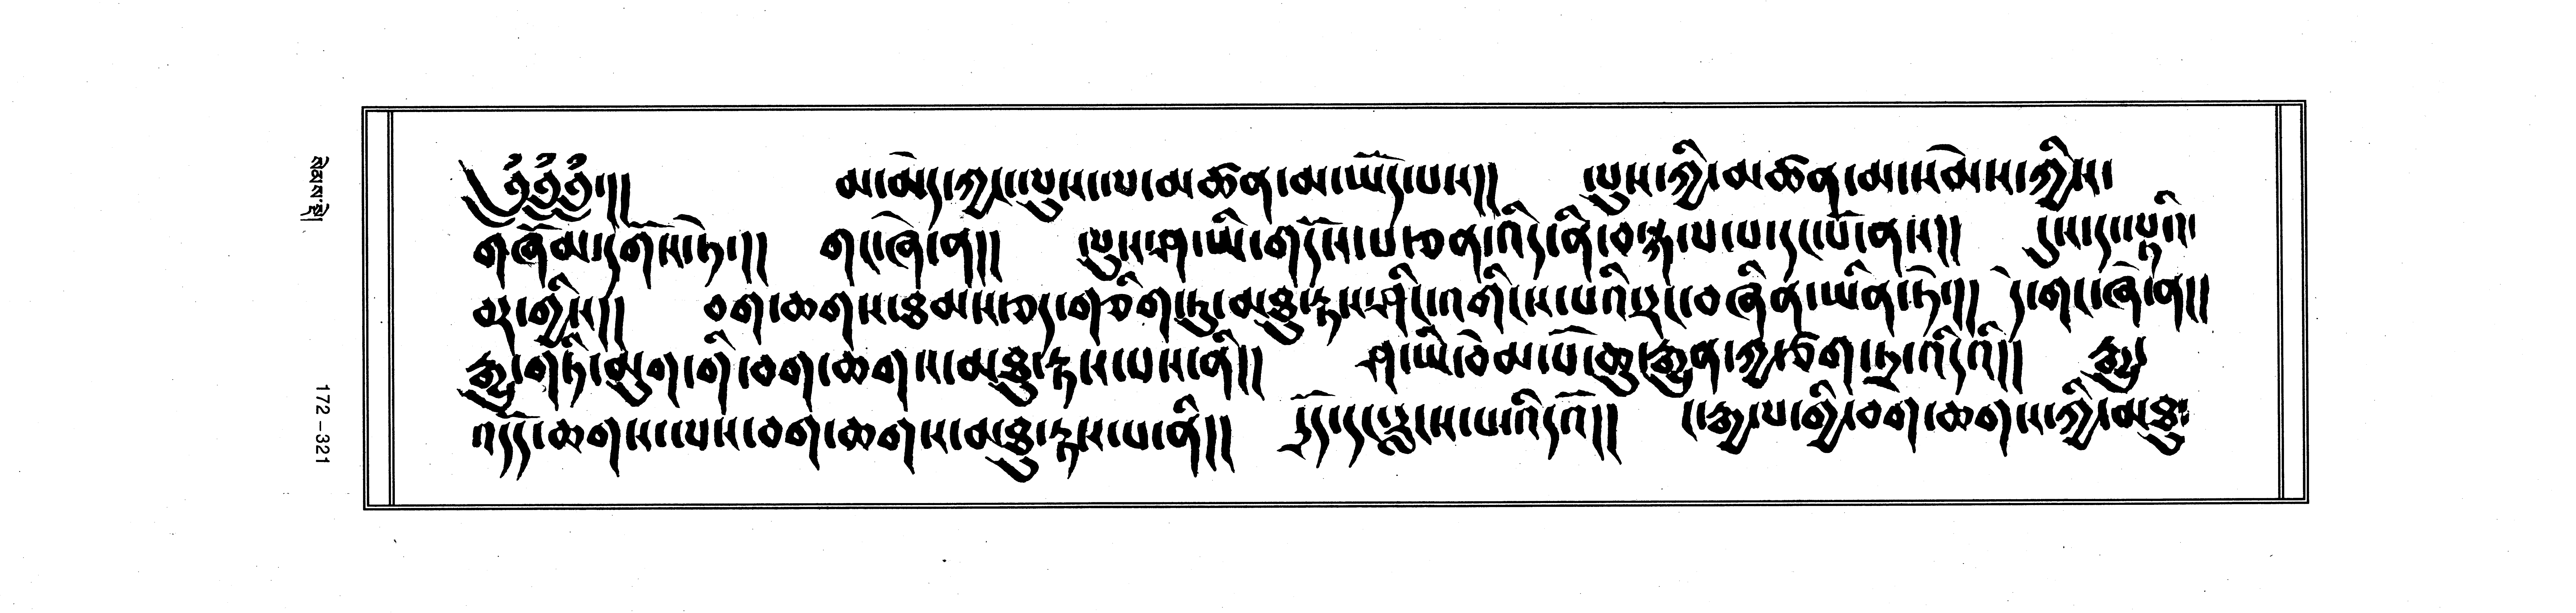མ་མེད་ཀྱང་ལུས་ལ་མཚན་མ་ཡོད་པས། ལུས་ཀྱི་མཚན་མ་སེམས་ཀྱིས་
གཞོམ་དགོས་ཏེ། གང་ཞེ་ན། ལུས་ཤ་ཡི་གདོས་པ་ཅན་འདི་ནི་བསྐལ་པ་དང་པོ་ནས། དུས་ད་ལྟའི་
བར་གྱིས། བག་ཆགས་ཐམས་ཅད་གཅིག་ཏུ་མཐུ་རྟས་ཤིང་འགིངས་པའི་རང་བཞིན་ཡིན་ཏེ། དེ་གང་ཞེ་ན། 
རྒྱུ་གཏི་མུག་གི་བག་ཆགས་མཐུ་རྟས་པས་ནི། ཤ་ཡེ་བེམ་པོ་ཆུ་རྒྱུན་ཀྱ་ཙག་ཏྲ་འདིའི། རྒྱུ་
འདོད་ཆགས་ལས་བག་ཆགས་མཐུ་རྟས་པ་ནི། དྲོད་དང་རླངས་པ་འདིའོ། ང་རྒྱལ་གྱི་བག་ཆགས་ཀྱི་མཐུ་